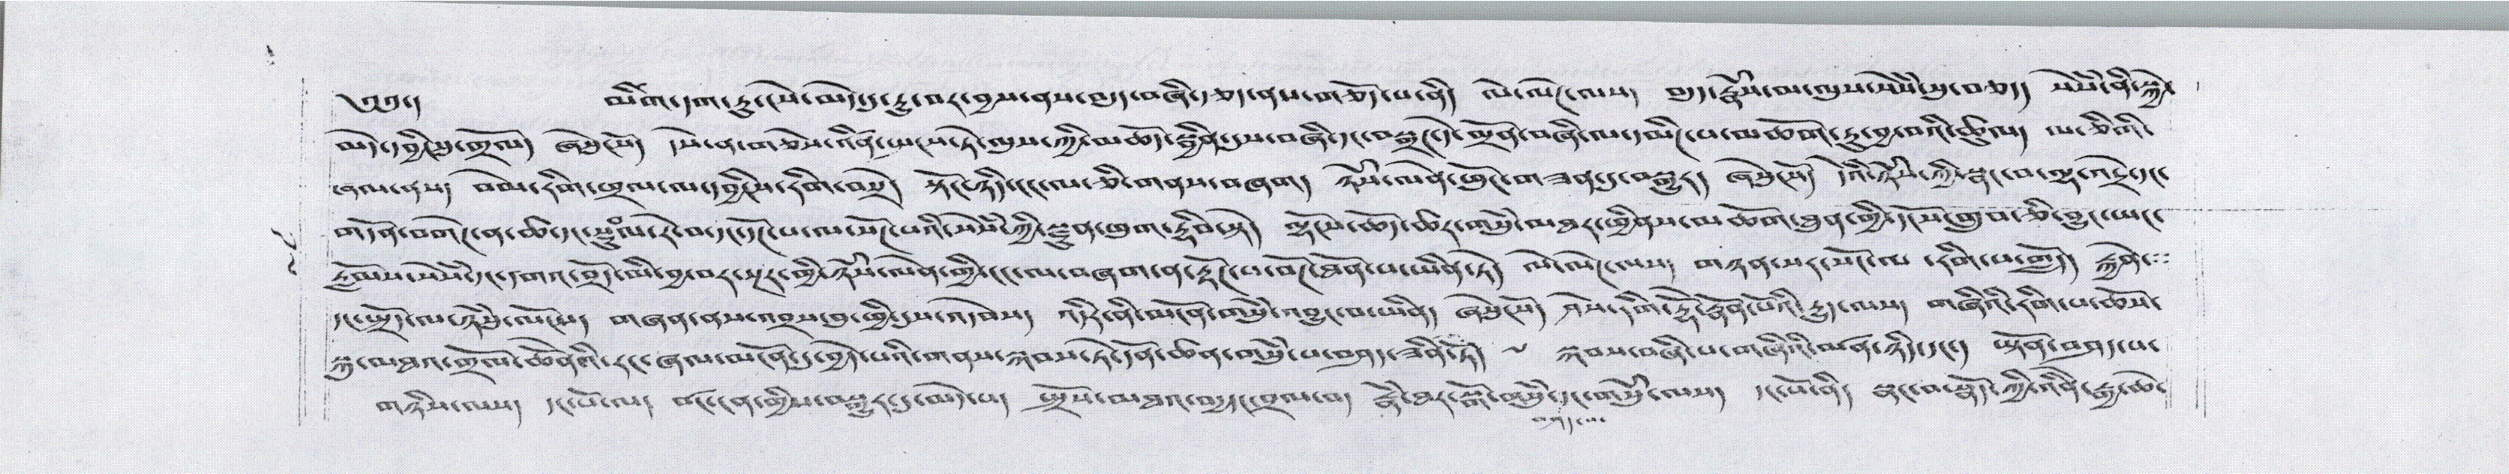མིག་དག་ཏུ་ངེས་མེད་དུ་རྒྱུ་བར་བྱས་ནས་བདུད་བཞི་རྩད་ནས་གཅོད་པ་ནི། ལེ་ལེགས་ལས། བདུད་རྣམས་མ་ལུས་སེམས་སུ་བཅད། སེམས་ནི་སྐྱེ་
མེད་དབྱིངས་སུ་གྲོལ། ཞེས་གསུངས་སོ། དེས་ན་གཅེས་འཛིན་སྤངས་ཏེ་ལུས་ཀྱི་མཆོད་སྦྱིན་དུས་བཞི་དང་བསྒྲགས་དེ་གྲོན་བཞི་ལ་དམིགས་པ་མཆོག་ཏུ་བྱ་བའི་ཚུལ། མ་ཅིག་གི་
ཞལ་ནས། བེམ་རིག་ཁྲལ་ལ་དབྱིངས་རིག་བསྲེ། སྟོང་ཉིད་ངང་ལ་ཅི་གནས་བཞག ཉམས་ལེན་ཕུང་པོ་གཟན་དུ་བསྒྱུར། ཞེས་གསུངས་སོ། དེའི་ཉམས་ཀྱི་སྣང་བ་ལྷ་འདྲེ་དང་
གདོན་བགེགས་ན་ཚ་དང་སྡུག་བསྔལ་རེ་བ་དང་དོགས་པ་ལ་སོགས་པའི་སེམས་ཀྱི་རྫུན་ཕུག་རྡིབ་སྟེ། ལྷོངས་ཆོད་ཚར་གསུམ་མཐར་ཕྱིན་ནས་མཆོག་ཐུན་གྱི་དངོས་གྲུབ་ཅི་བྱུང་ཡང་
རློམས་སེམས་དང་དགའ་བྲོད་མི་བྱ་བར་སྔར་གྱི་ཉམས་ལེན་གྱི་ངང་ལ་བཞག་ན་རྟོགས་པ་བོགས་ཐོན་པ་ཡིན་ཏེ། ལེ་ལེགས་ལས། གཉན་སར་སོང་ལ་རིག་པ་གློད། རྐྱེན་
དང་སྤྲོད་ལ་ཉམས་སུ་ལོངས། གཞན་ནས་འབྲས་བུ་ཕྱི་དུས་འདེབས། འདིར་ནི་མངོན་གསུམ་འབྱུང་བ་ཡིན། ཞེས་གསུངས་སོ། ཤེས་རིག་རྡོ་རྗེ་རྣོན་པོའི་རྒྱུད་ལས། གཞིའི་རིག་པ་ཆོས་
སྐུ་མཐའ་གྲོལ་ཆེན་པོའི་རང་ཞལ་མངོན་དུ་བྱེད་པའི་གནས་སྐབས་ཏེ་དོན་ཚན་གསུམ་པ་བཤད་ཟིན་ཏོ། ༧ སྐབས་བཞི་པ་གཞིའི་མཚན་ཉིད་དང། ཡོན་ཏན་བཤད་པ་
གཉིས་ལས། དང་པོ་ལ། བཟང་ངན་གྱིས་བསྒྱུར་དུ་མེད་པ། སྤྲོས་མཐའ་བརྒྱད་དང་བྲལ་བ། རྣམ་ཐར་སྒོ་གསུམ་བཤད་པ་དང་གསུམ་ལས། དང་པོ་ནི། སྣང་བ་སྣོད་ཀྱི་འཇིག་རྟེན་རྒྱ་ཆེ་